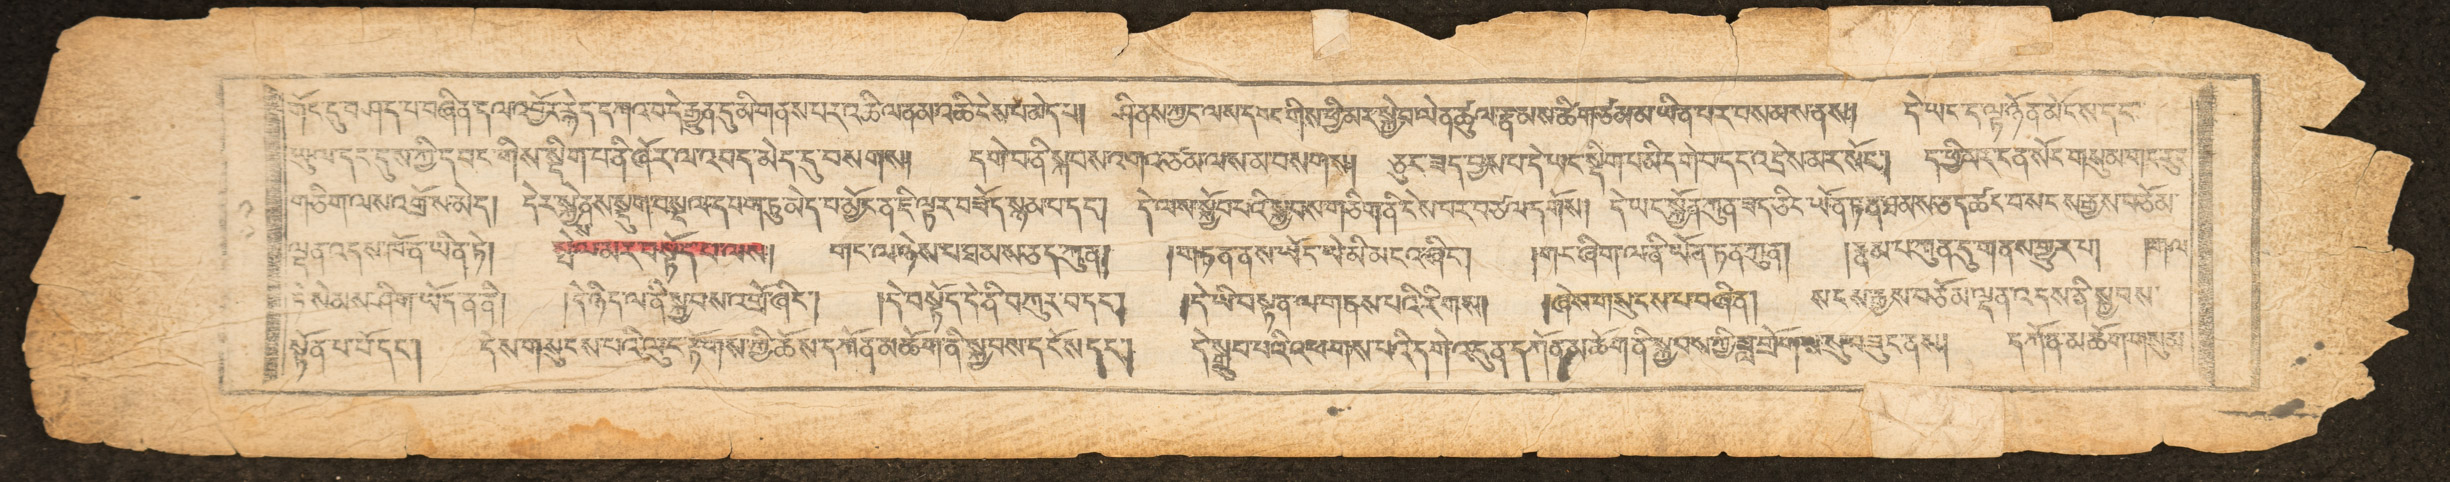ཧོར?་དུ་བཤད་པ་བཞིན་དལ་འབྱོར་རྙེད་དཀའ་བདེ་རྒྱུན་དུ་མི་གནས་པར་འཆལ་རྣམ་འཆི་བས་པ་མེད་པ། ཤི་ནས་ཀྱང་ལས་དབང་གིས་ཕྱི་མར་སྐྱེ་བ་ལེན་ཚུལ་རྣམས་ཚིག་ཙམ་མ་ཡིན་པར་བསམས་ནས། དེ་ཡང་ད་ལྟ་ཉོན་མོངས་དང་
ཡུལ་དང་དུས་ཀྱི་དབང་གིས་སྡིག་པ་ནི་ཞོར་ལ་འབད་མེད་དུ་བསགས། དགེ་བ་ནི་སྐབས་འགའ་ཙམ་ལས་མ་བསགས། ཅུང་ཟད་བྱས་པ་དེ་ཡང་སྡིག་པ་མི་དགེ་བ་དང་འདྲེས་མར་སོང་། ད་ཕྱི་མར་ངན་སོང་གསུམ་གང་རུང་
གཅིག་ལས་འགྲོས་མེད། དེར་སྐྱེས་ནས་སྡུག་བསྔལ་དཔག་ཏུ་མེད་པ་མྱོང་ན་ཇི་ལྟར་བཟོད་སྙམ་པ་དང་། དེ་ལས་སྐྱོབ་བའི་སྐྱབས་གཅིག་ནི་ངེས་པར་བཙལ་དགོས། དེ་ཡང་སྐྱོན་ཀུན་ཐད་ཅིང་ཡོན་ཏན་ཐམས་ཅད་ཚང་བ་སངས་རྒྱས་བཅོམ་
ལྡན་འདས་ཁོ་ན་ཡིན་ཏེ། སྤེལ་མར་བསྟོད་པ་ལས། གང་ལ་ཉེས་པ་ཐམས་ཅད་ཀུན། །གཏན་ནས་ཡོད?་ཡེ་མི་མངའ་ཞིང་། །གང་ཞིག་ལ་ནི་ཡོན་ཏན་ཀུན། །རྣམ་པ་ཀུན་དུ་གནས་གྱུར་པ། །གལ་
ཏེ་སེམས་ཞིག?་ཡོད་ན་ནི། །དེ་ཉིད་ལ་ནི་སྐྱབས་འགྲོ་ཞིང་། །དེ་བསྟོད་དེ་ནི་བཀུར་བ་དང་། །དེ་ཡི་བསྟན་ལ་གནས་པའི་རིགས། །ཞེས་གསུངས་པ་བཞིན། སངས་རྒྱས་བཅོམ་ལྡན་འདས་ནི་སྐྱབས་
སྟོན་པ་པོ་དང་། དེས་གསུངས་པའི་ལུང་རྟོགས་ཀྱི་ཆོས་དཀོན་མཆོག་ནི་སྐྱབས་དངོས་དང་། དེ་སྒྲུབ་པའི་འཕགས་པའི་དགེ་འདུན་དཀོན་མཆོག་ནི་སྐྱབས་གྱི་ཟླ་གྲོགས་སུ་བཟུང་ནས། དཀོན་མཆོག་གསུམ་